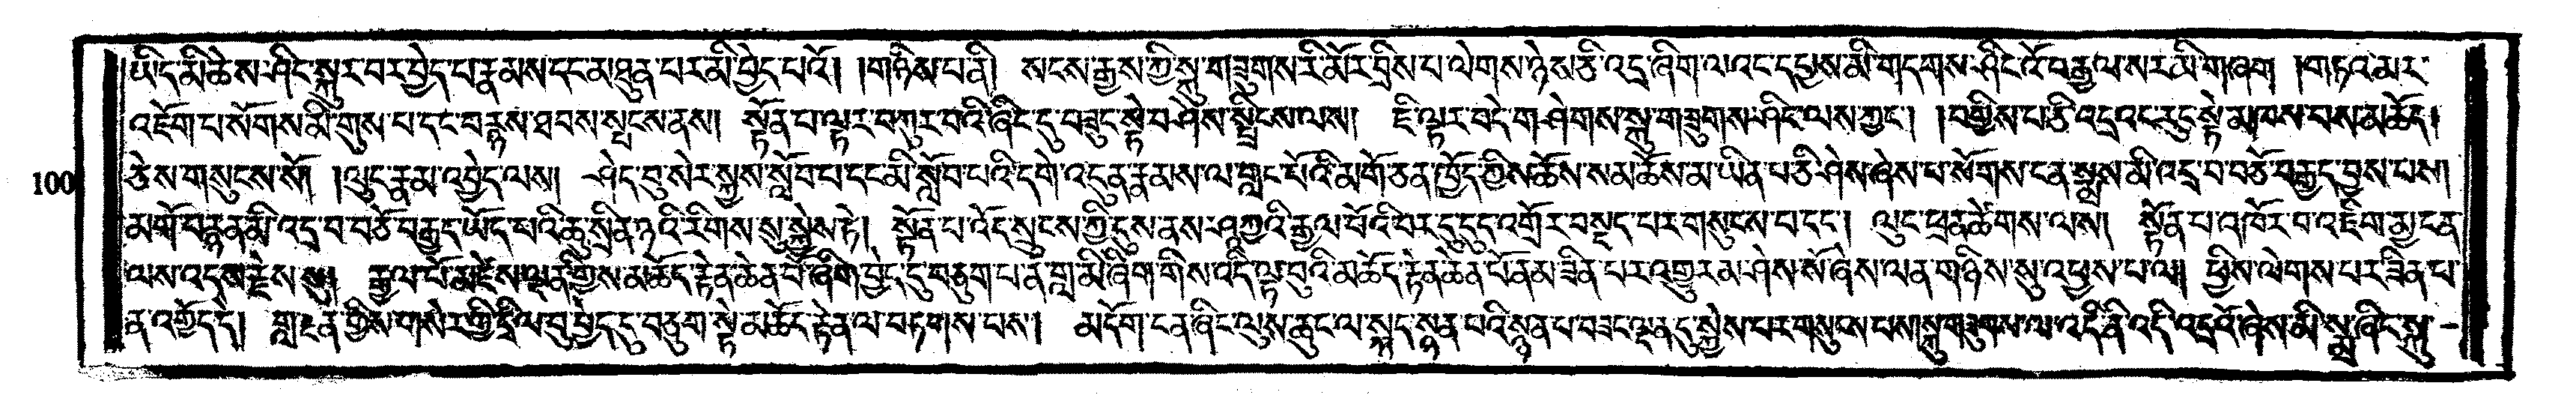ཡིད་མི་ཆེས་ཤིང་སྐུར་བར་བྱེད་པ་རྣམས་དང་མཐུན་པར་མི་བྱེད་པའོ། །གཉིས་པ་ནི། སངས་རྒྱས་ཀྱི་སྐུ་གཟུགས་རི་མོར་བྲིས་པ་ལེགས་ཉེས་ཅི་འདྲ་ཞིག་ལའང་དཔྱས་མི་གདགས་ཤིང་འོ་བརྒྱལ་སར་མི་གཞག །གཏའ་མར་
འཇོག་པ་སོགས་མི་གུས་པ་དང་བརྙས་ཐབས་སྤངས་ནས། སྟོན་པ་ལྟར་བཀུར་བའི་ཞིང་དུ་བཟུང་སྟེ་བཤེས་སྤྲིངས་ལས། ཇི་ལྟར་བདེ་གཤེགས་སྐུ་གཟུགས་ཤིང་ལས་ཀྱང་། །བགྱིས་པ་ཅི་འདྲའང་རུང་སྟེ་མཁས་པས་མཆོད་
ཅེས་གསུངས་སོ། །ལུང་རྣམ་འབྱེད་ལས། ཤེད་བུ་སེར་སྐྱས་སློབ་པ་དང་མི་སློབ་པའི་དགེ་འདུན་རྣམས་ལ་གླང་པོའི་མགོ་ཅན་ཁྱོད་ཀྱིས་ཆོས་སམ་ཆོས་མ་ཡིན་པ་ཅི་ཤེས་ཞེས་པ་སོགས་ངན་སྨྲས་མི་འདྲ་བ་བཅོ་བརྒྱད་བྱས་པས།
མགོ་བརྙན་མི་འདྲ་བ་བཅོ་བརྒྱད་ཡོད་པའི་ཆུ་སྲིན་ཉའི་རིགས་སུ་སྐྱེས་ཏེ། སྟོན་པ་འོད་སྲུངས་ཀྱི་དུས་ནས་ཤཱཀྱའི་རྒྱལ་པོའི་བར་དུ་དུད་འགྲོར་བསྡད་པར་གསུངས་པ་དང་། ལུང་ཕྲན་ཚེགས་ལས། སྟོན་པ་འཁོར་བ་འཇིག་མྱ་ངན་
ལས་འདས་རྗེས་སུ། རྒྱལ་པོ་མཛེས་ལྡན་གྱིས་མཆོད་རྟེན་ཆེན་པོ་ཞིག་བྱེད་དུ་བཅུག་པ་ན་གླ་མི་ཞིག་གིས་འདི་ལྟ་བུའི་མཆོད་རྟེན་ཆེན་པོ་ནམ་ཟིན་པར་འགྱུར་མ་ཤེས་སོ་ཞེས་ལན་གཉིས་སུ་འཕྱས་པ་ལ། ཕྱིས་ལེགས་པར་ཟིན་པ་
ན་འགྱོད་དེ། གལ་རྔན་གྱིས་གསེར་གྱི་དྲིལ་བུ་བྱེད་དུ་བཅུག་སྟེ་མཆོད་རྟེན་ལ་བཏགས་པས། མདོག་ངན་ཞིང་ལུས་ཆུང་ལ་སྐད་སྙན་པའི་སྙན་པ་བཟང་ལྡན་དུ་སྐྱེད་པར་གསུངས་པས། སྐུར་གཟུགས་ལ་འདི་ནི་འདི་འདྲའོ་ཞེས་མི་སྨྲ་ཞིང་སྐུ་